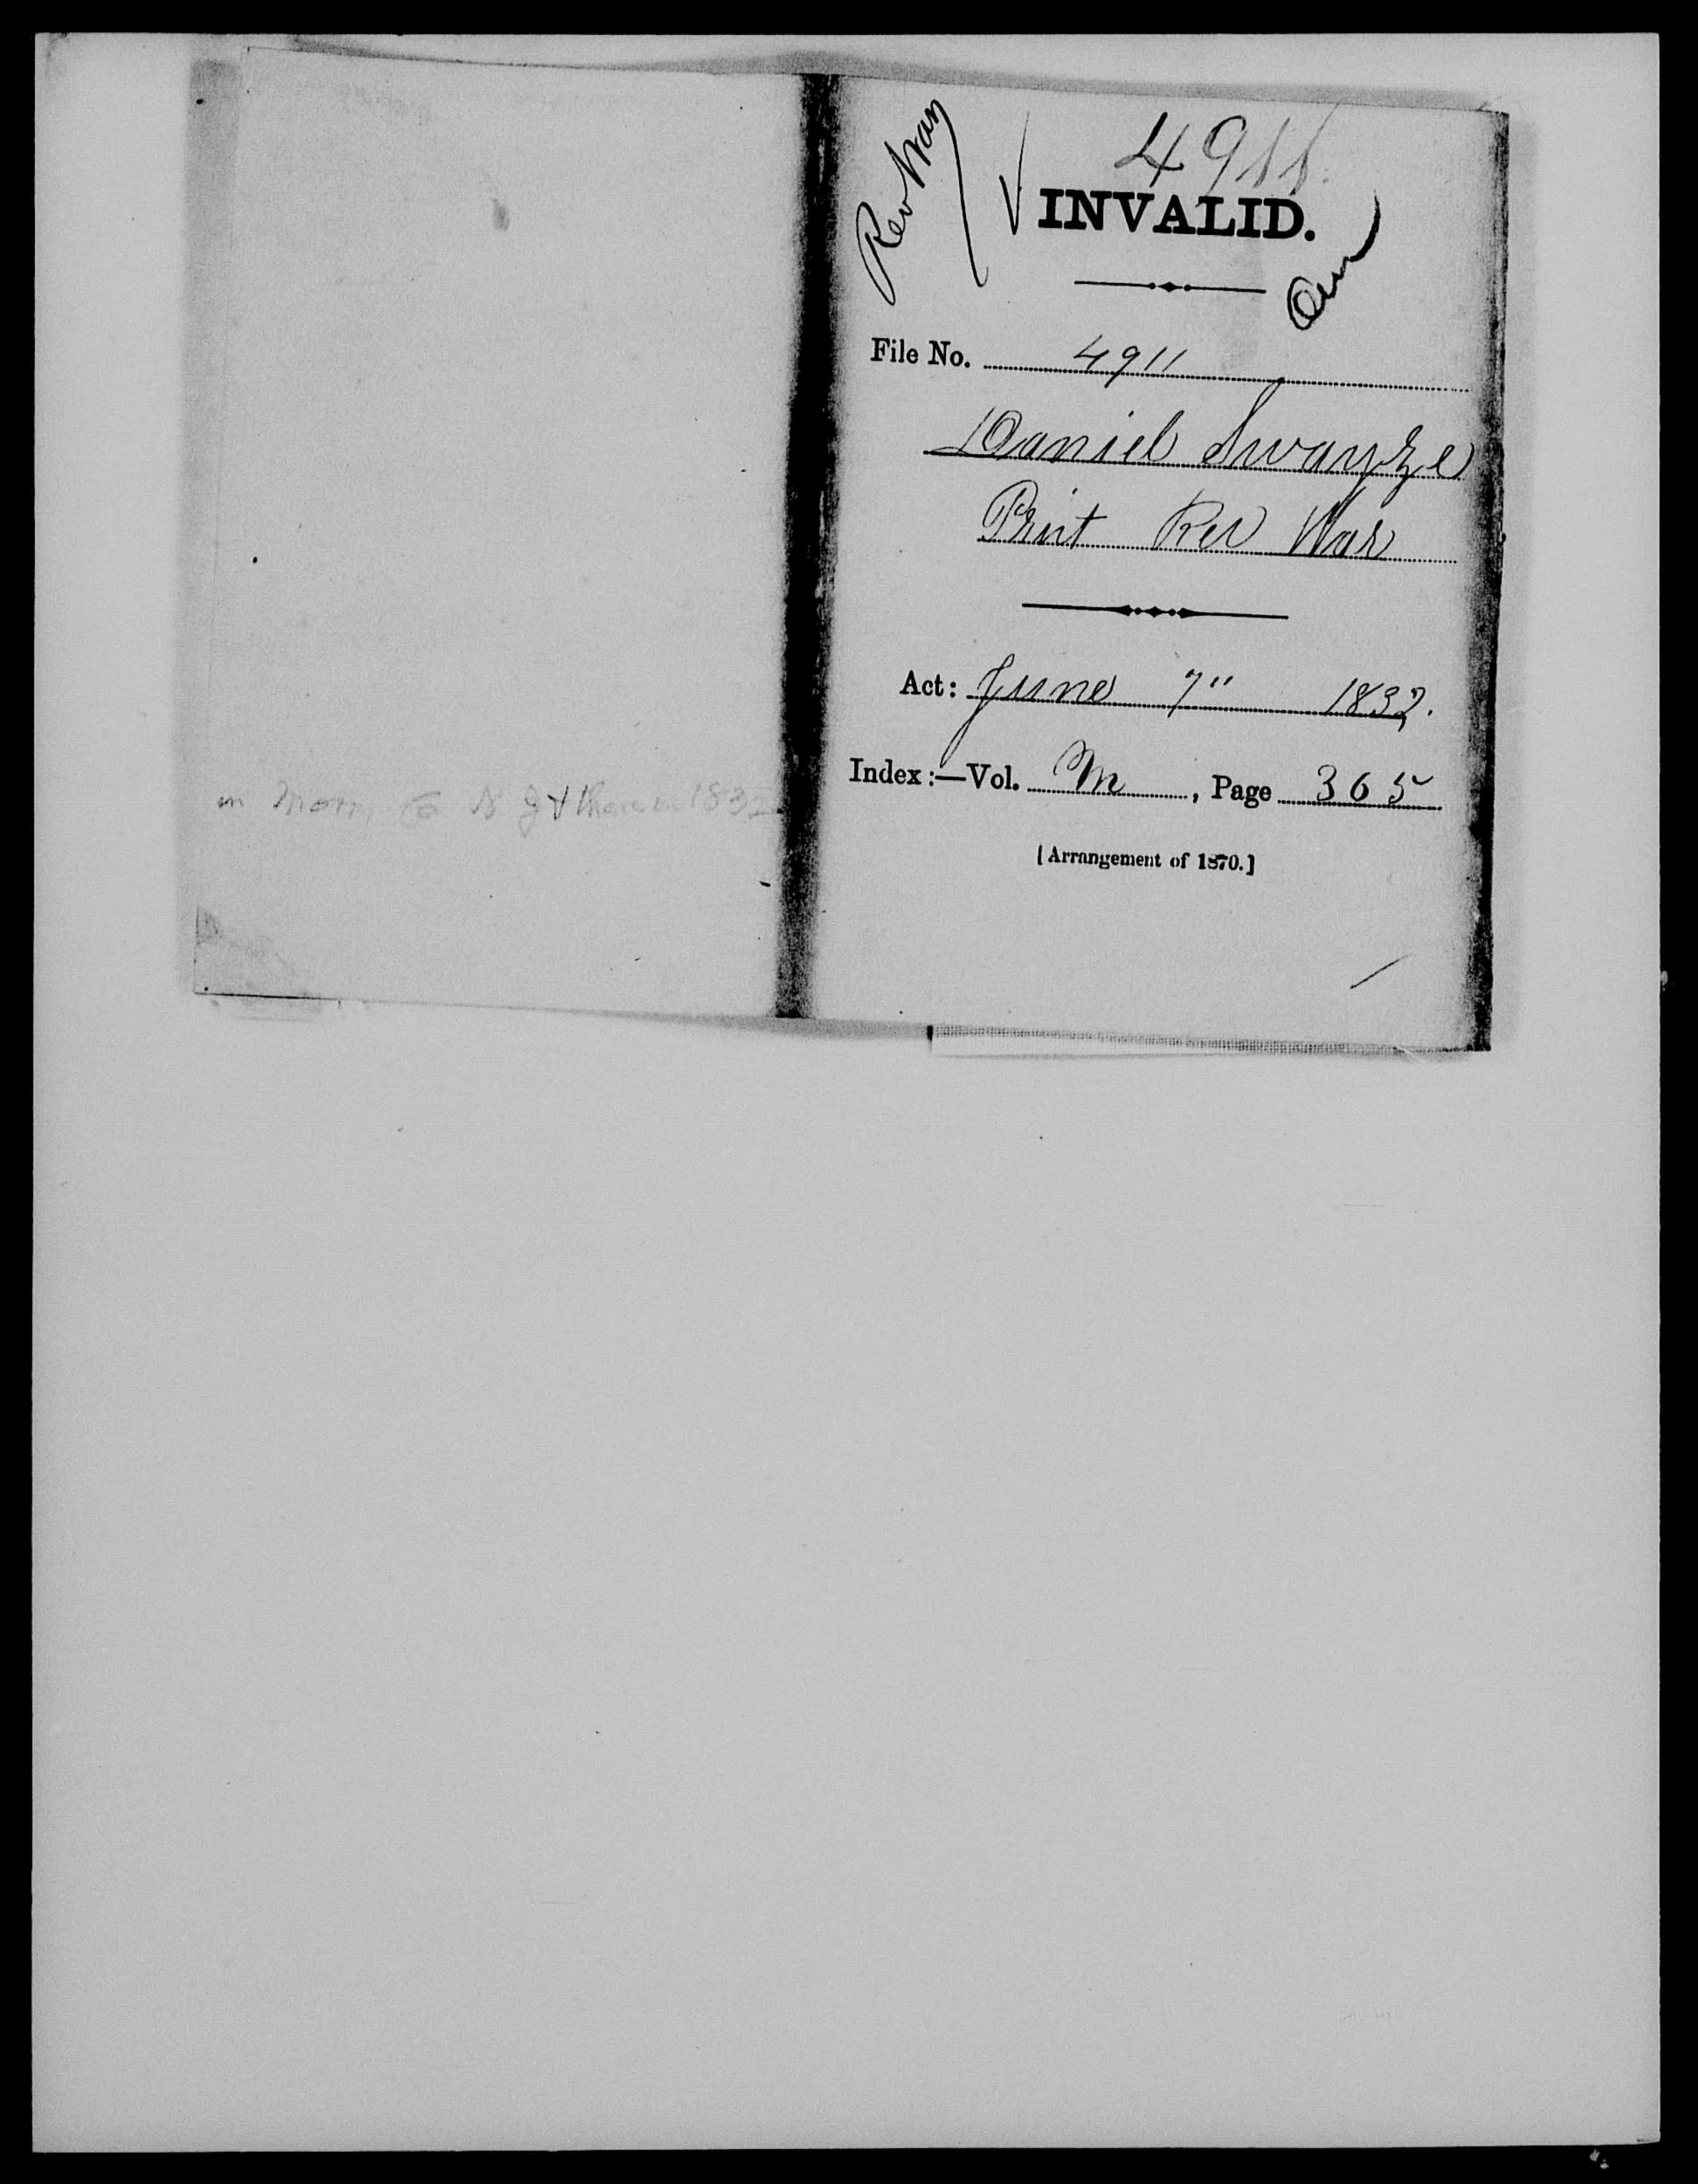4911
INVALID.
-
File No. 4911
Daniel Swayze
Privt Rev War ┃
Act: June 7"" 1832.
Index:- Vol. M, Page 365 
[Arrangement of 1870.]
On Mom Co N J T there in 1832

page: 20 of 20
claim: survivor's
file: S. 4911, for Daniel Swayze, New Jersey